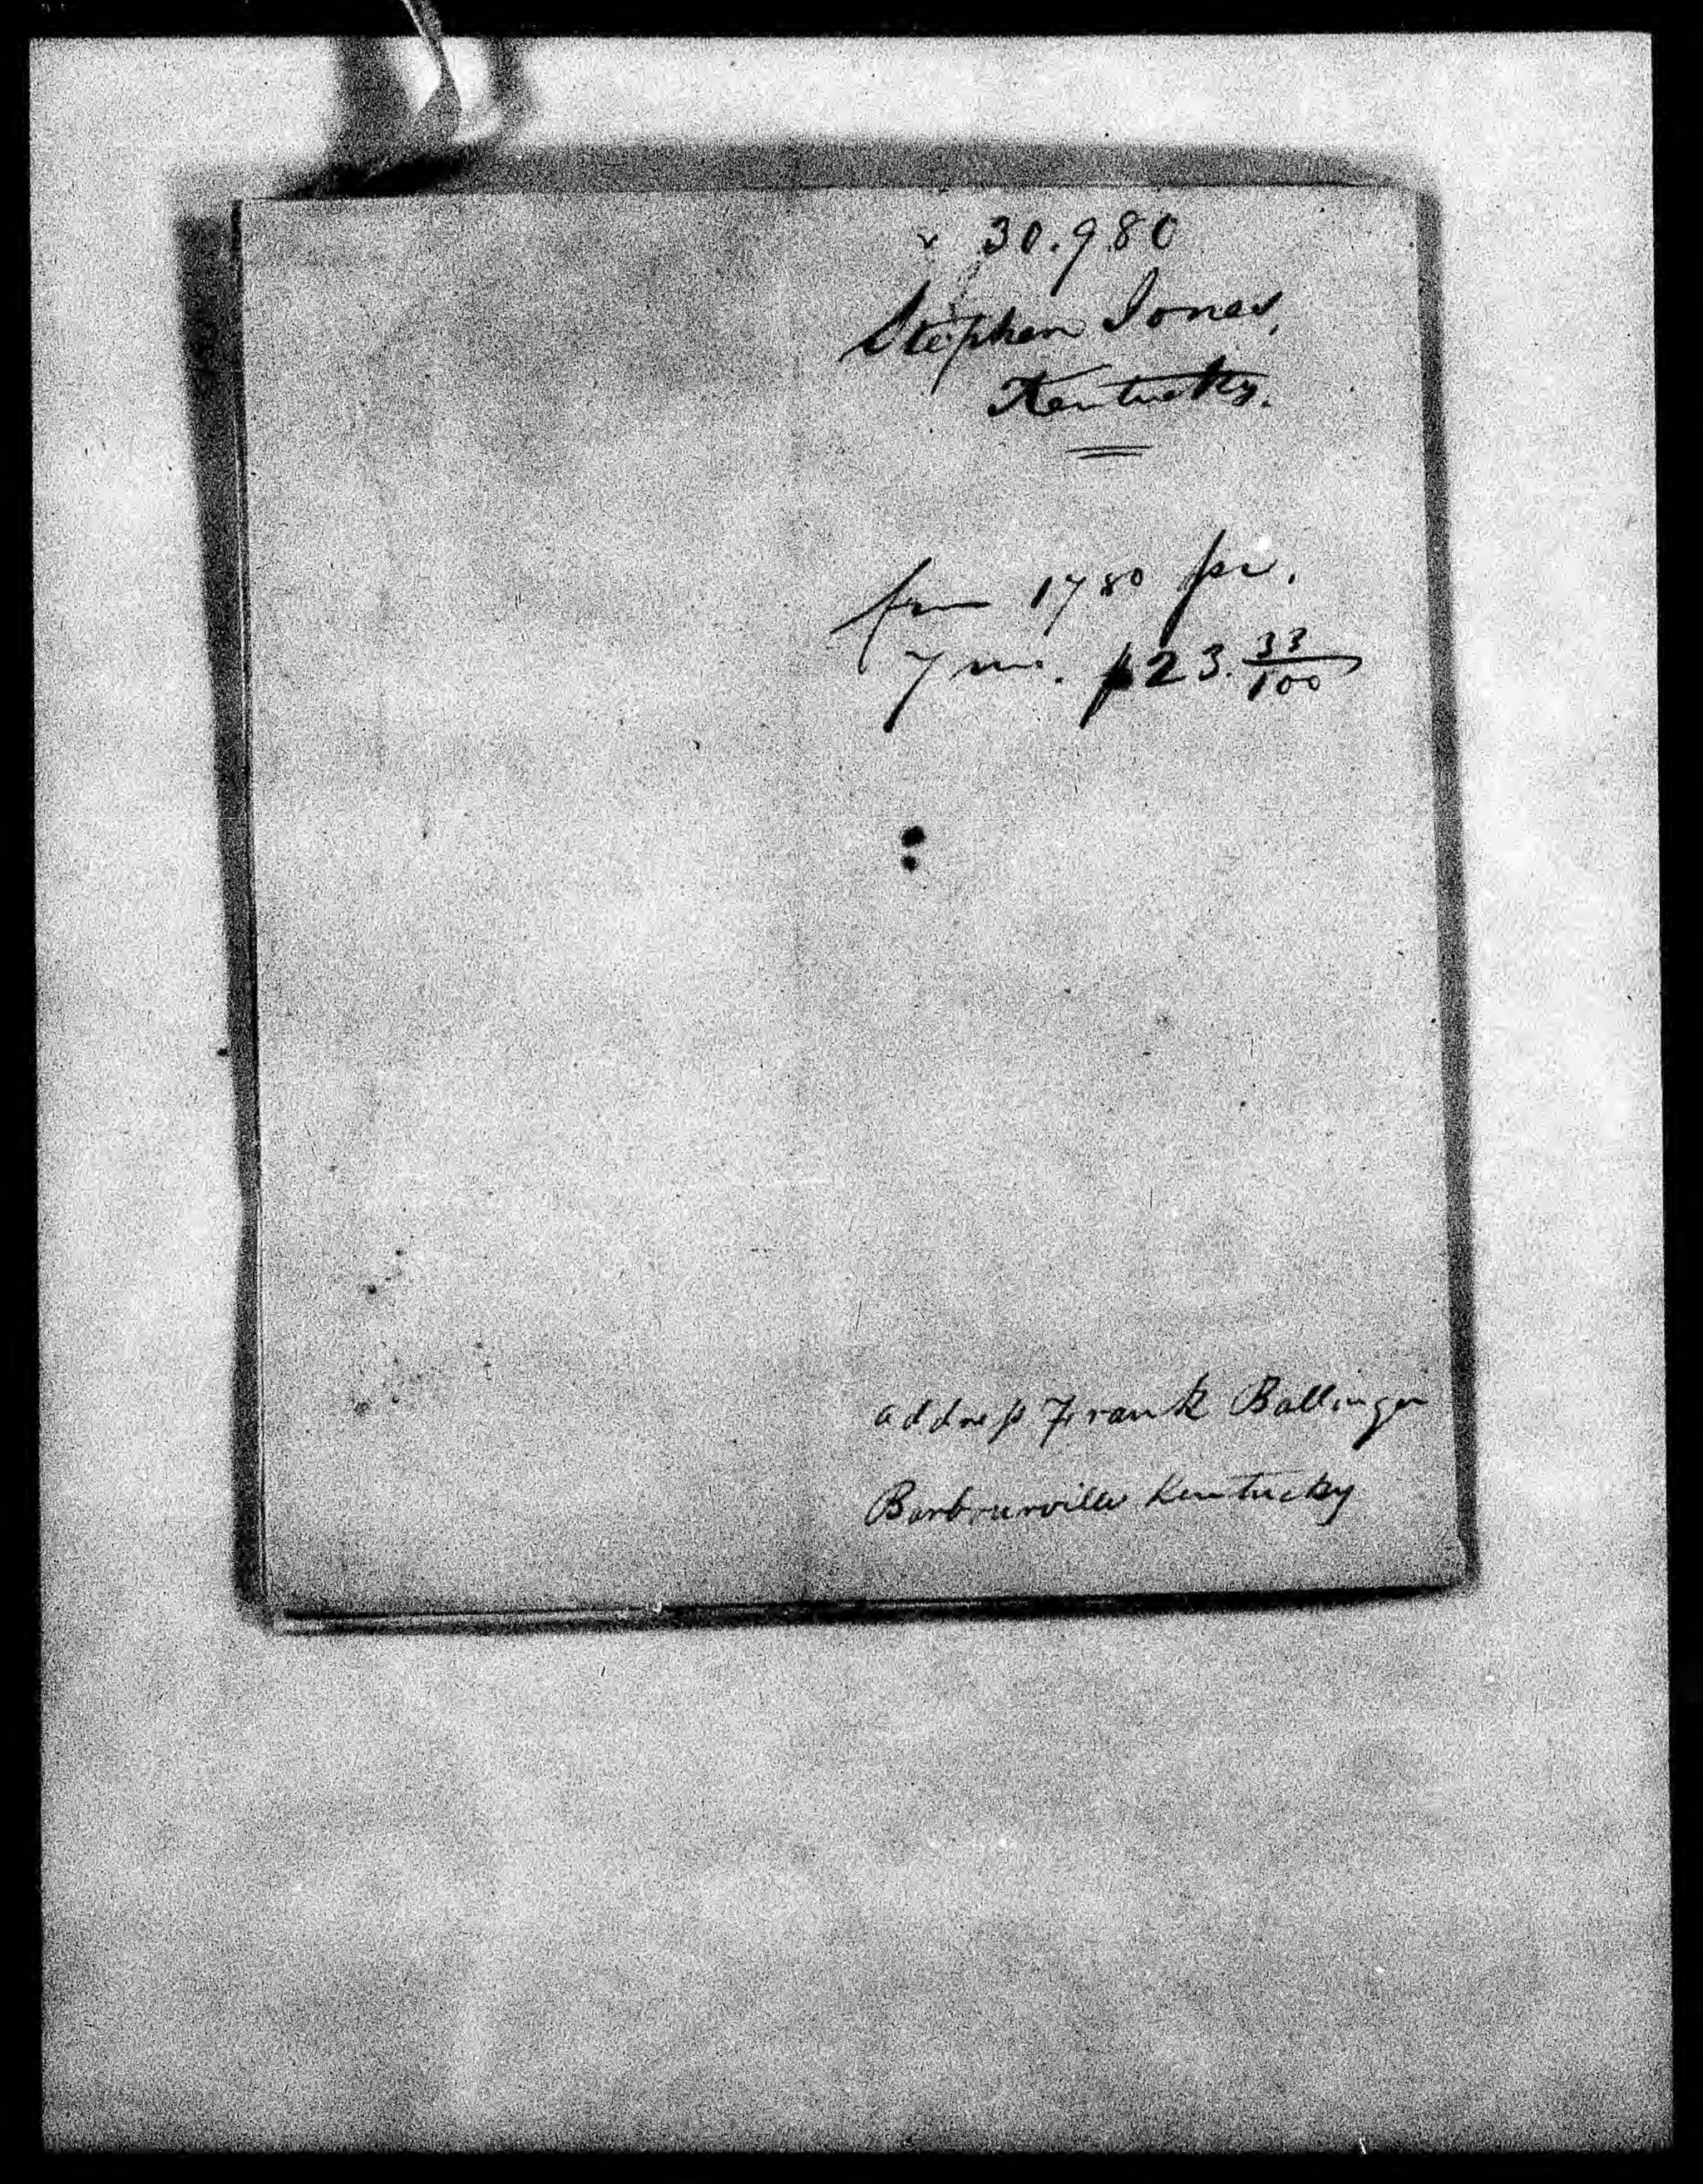30.980
Stephen Jones
Kentucky
------
[from?] 1780 pr.
7 mo. $23 33/100

address Frank Ballinger
Barbourville Kentucky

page: 3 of 17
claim: survivor's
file: S. 38092, for Stephen Jones, North Carolina